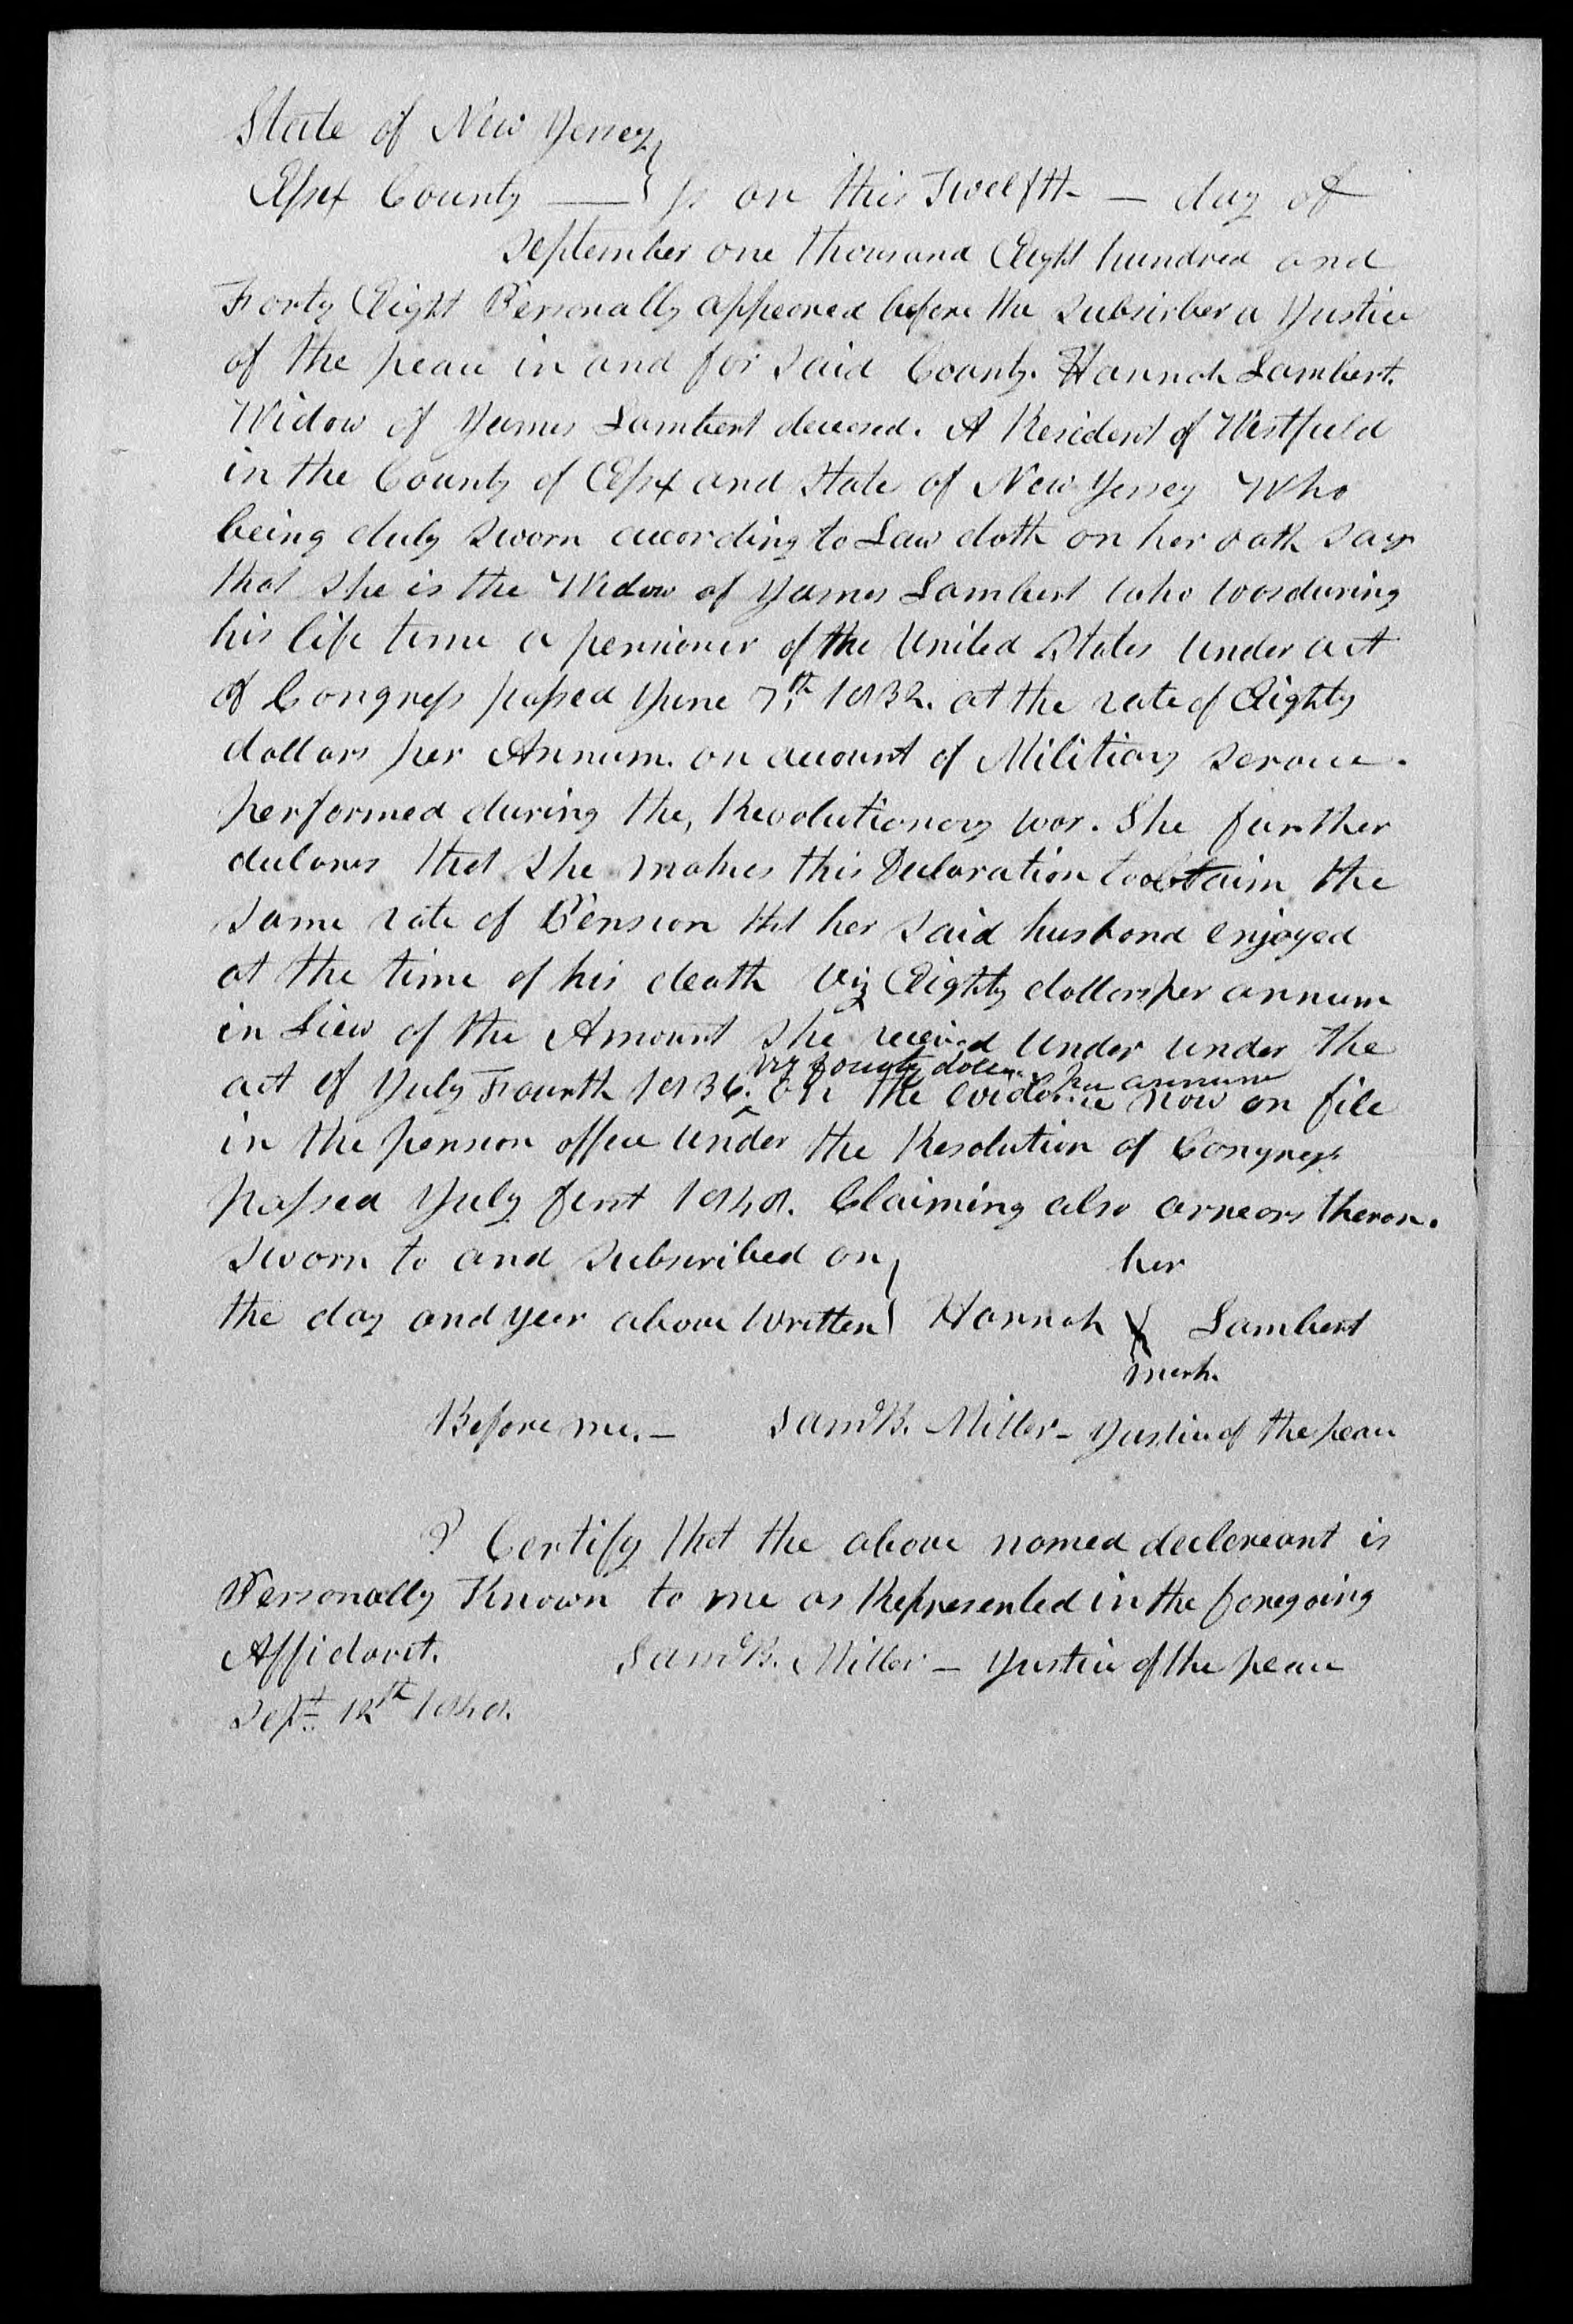State of New Jersey
Essex Countyon
On this Twelfth day of September one thousand Eight hundred and Forty Eight personally appeared before the subscriber a Justice of the peace in and for said County Hannah Lambert Widow of James Lambert deceased. A Resident of Westfield in the County of Essex and State of New Jersey who
being duly sworn according to Law doth on her oath say that she is the widow of James Lambert who was during his life time a pensioner of the United States under act
of Congress passed June 7th 1832 at the rate of Eighty dollars per Annum on account of Militia service performed during the Revolutionary war. She further declares that she makes this Declaration to obtain the same
rate of Pension that her said husband enjoyed
at the time of his death viz Eighty dollars per annum in lieu of the Amount she received under under the act of July Fourth 1836 viz forty dollars per annum. The evidence now on file in the pension office under the Resolution of Congress passed July first 1840. Claiming also arrears thereon
her
Hannah X Lambert
mark
Sworn to and subscribed on the day and year above written Before me
Saml B. Miller Justice of the peace
I Certify that the above named declarant is
Personally Known to me as represented in the foregoing Affidavit
Sept 12th 1848
Sam P Miller Justice of the peace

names: James Lambert; Saml B Miller; Hannah Lambert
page: 48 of 49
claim: widow's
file: W. 859, for James Lambert, New Jersey